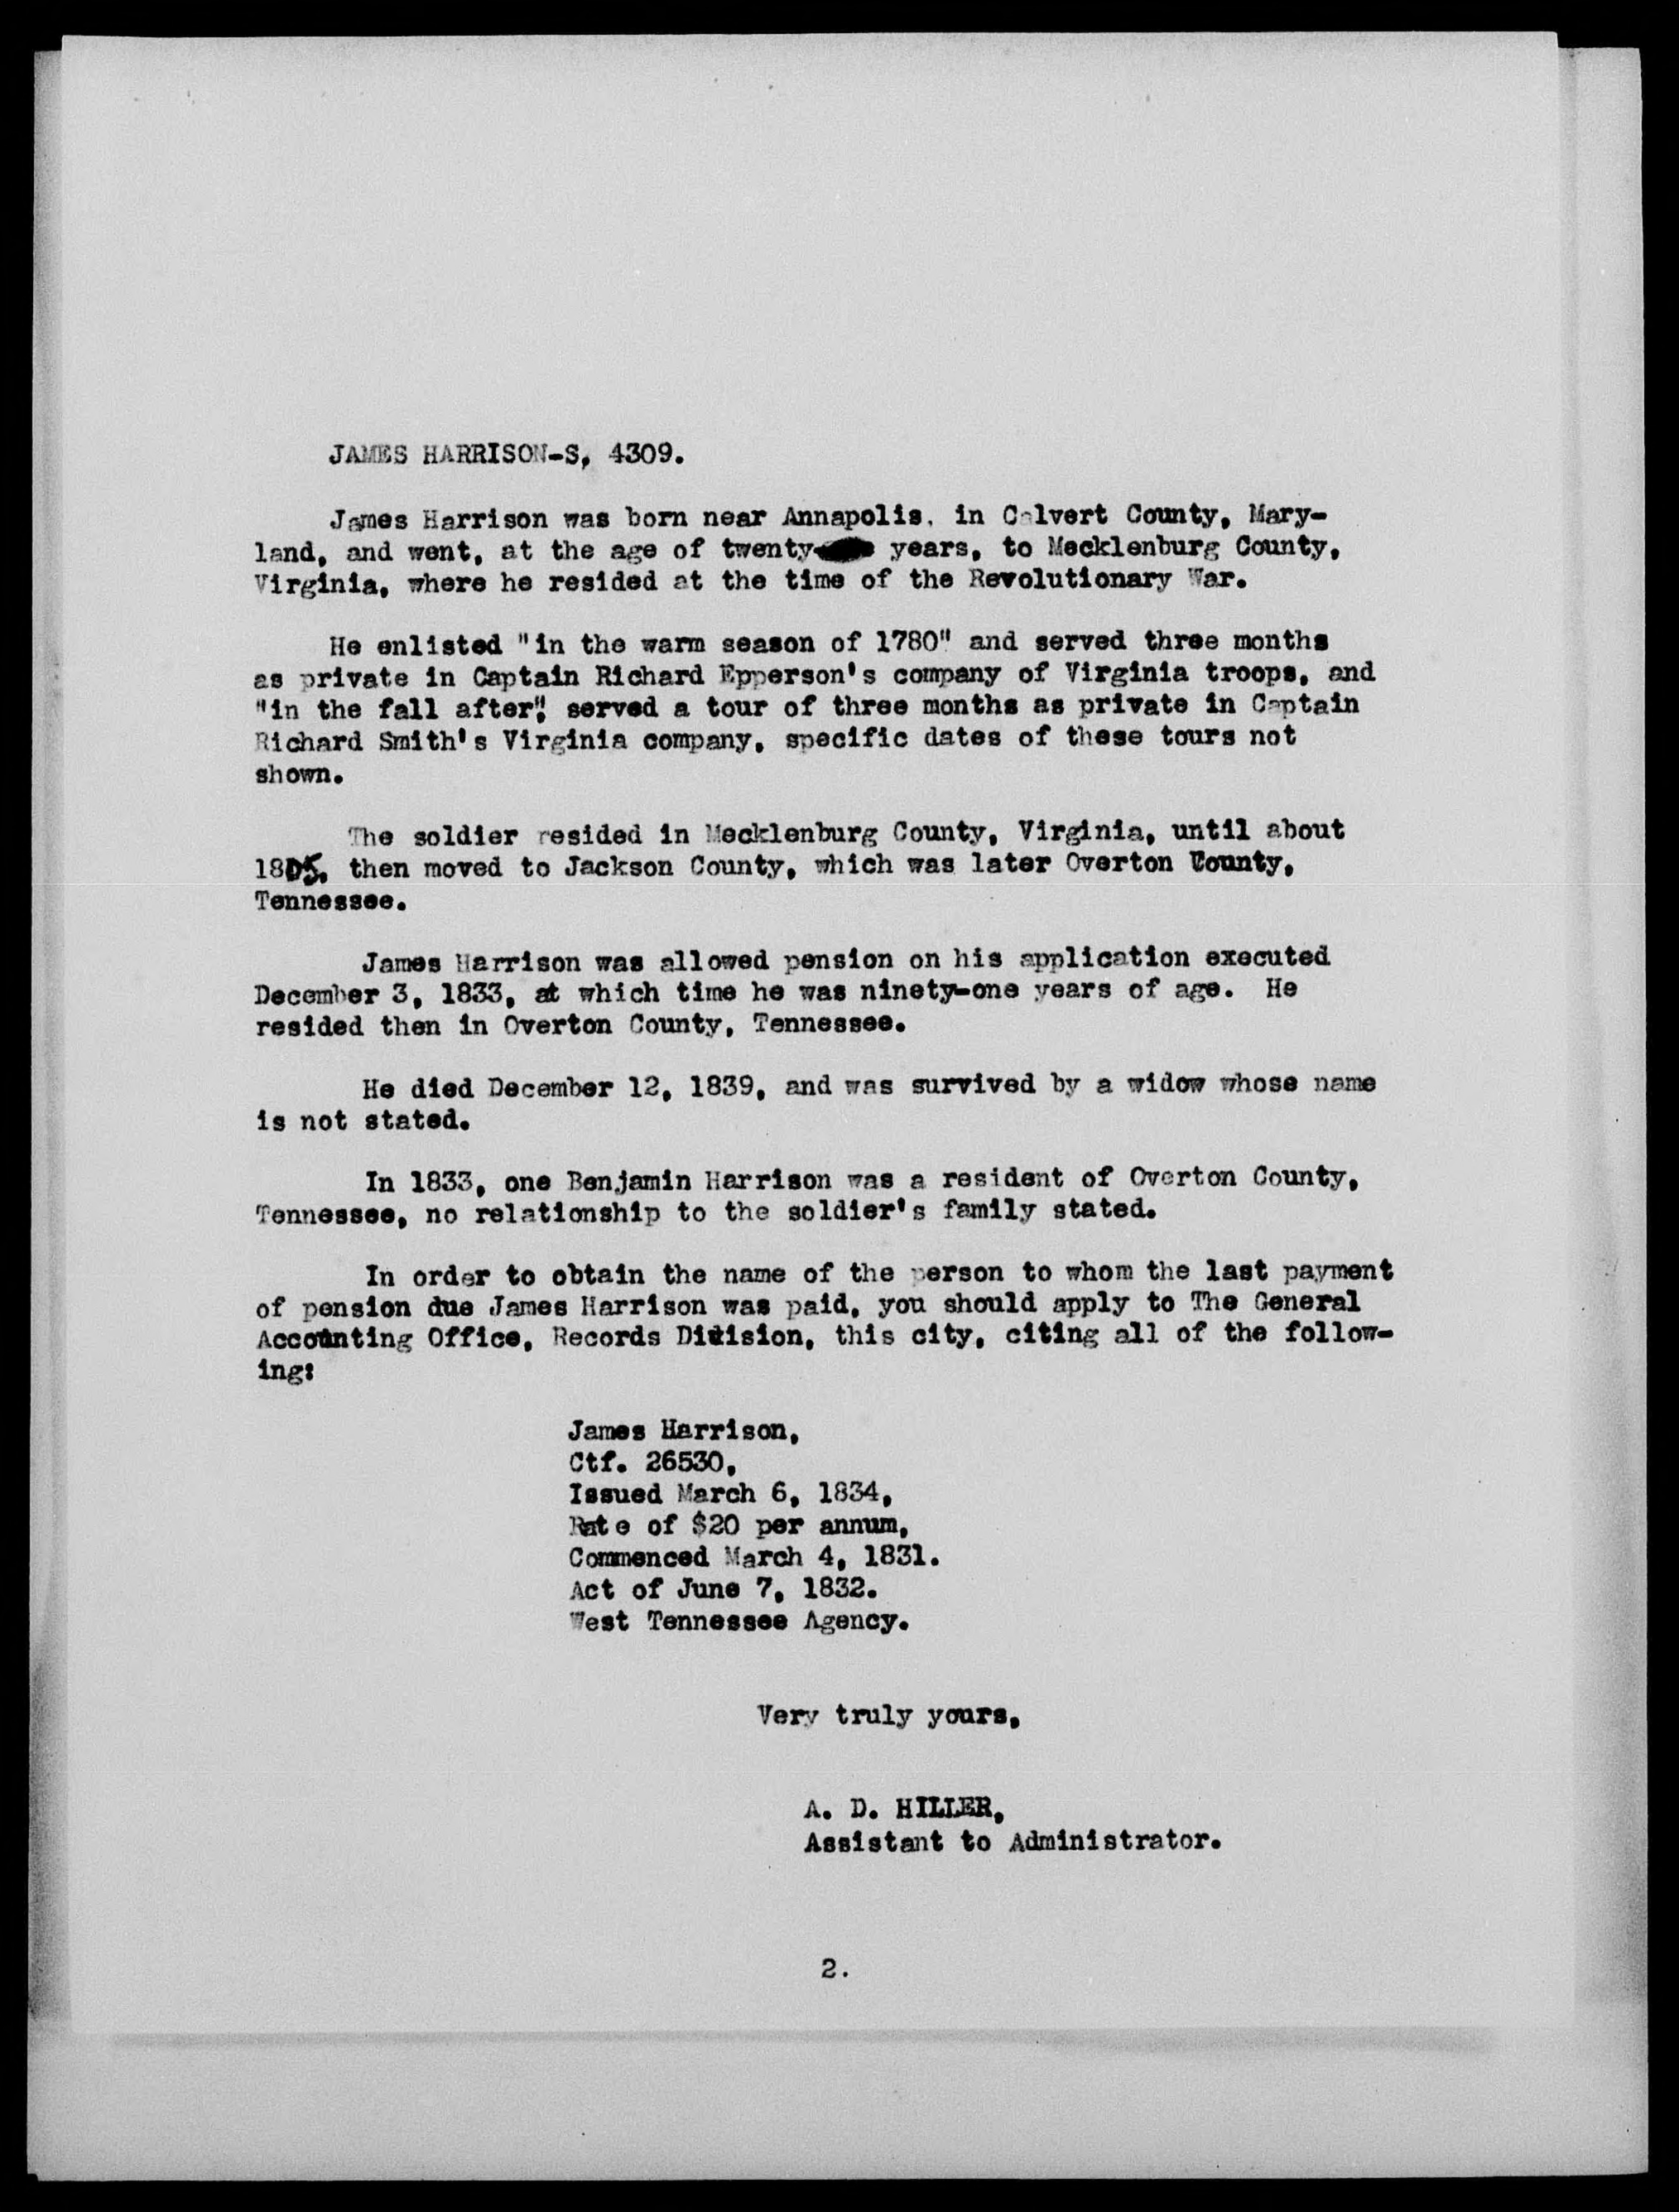JAMES HARRISON - S. 4309

James Harrison was born near Annapolis in Calvert County, Maryland, and went, at the age of twenty years to Mecklenburg County, Virginia, where he resided at the time of the Revolutionary War.
He enlisted "in the warm season of 1780" and served three months as private in Captain Richard Epperson's Company of Virginia troops, and "in the fall after," served a tour of three months as private in Captain Richard Smith's Virginia company, specific dates of these tours not shown.
The soldier resided in Mecklenburg County, Virginia, until about 1805, then moved to Jackson County, which was later Overton County, Tennessee.
James Harrison was allowed pension on his application executed December 3, 1833, at which time he was ninety one years of age.  He resided then in Overton County, Tennessee.
He died December 1, 1839, and was survived by a widow whose name is not stated.
In 1833, one Benjamin Harrison was a resident of Overton County, Tennessee, no relationship to the soldier's family stated.
In order to obtain the name of the person to whom the last payment of pension due James Harrison as paid, you should apply to the General Accounting Office, Records Division, this city, citing all of the following:

James Harrison
Ctf. 26530
Issued March 6, 1834
Rate of $20 per annum
Commenced March 4, 1831
Act of June 7, 1832
West Tennessee Agency

Very truly yours,
A.D. HILLER
Assistant to Administrator


2.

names: James Harrison; Benjamin Harrison; A D Hiller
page: 8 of 23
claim: survivor's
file: S. 18,168, for Henry Prince, South Carolina